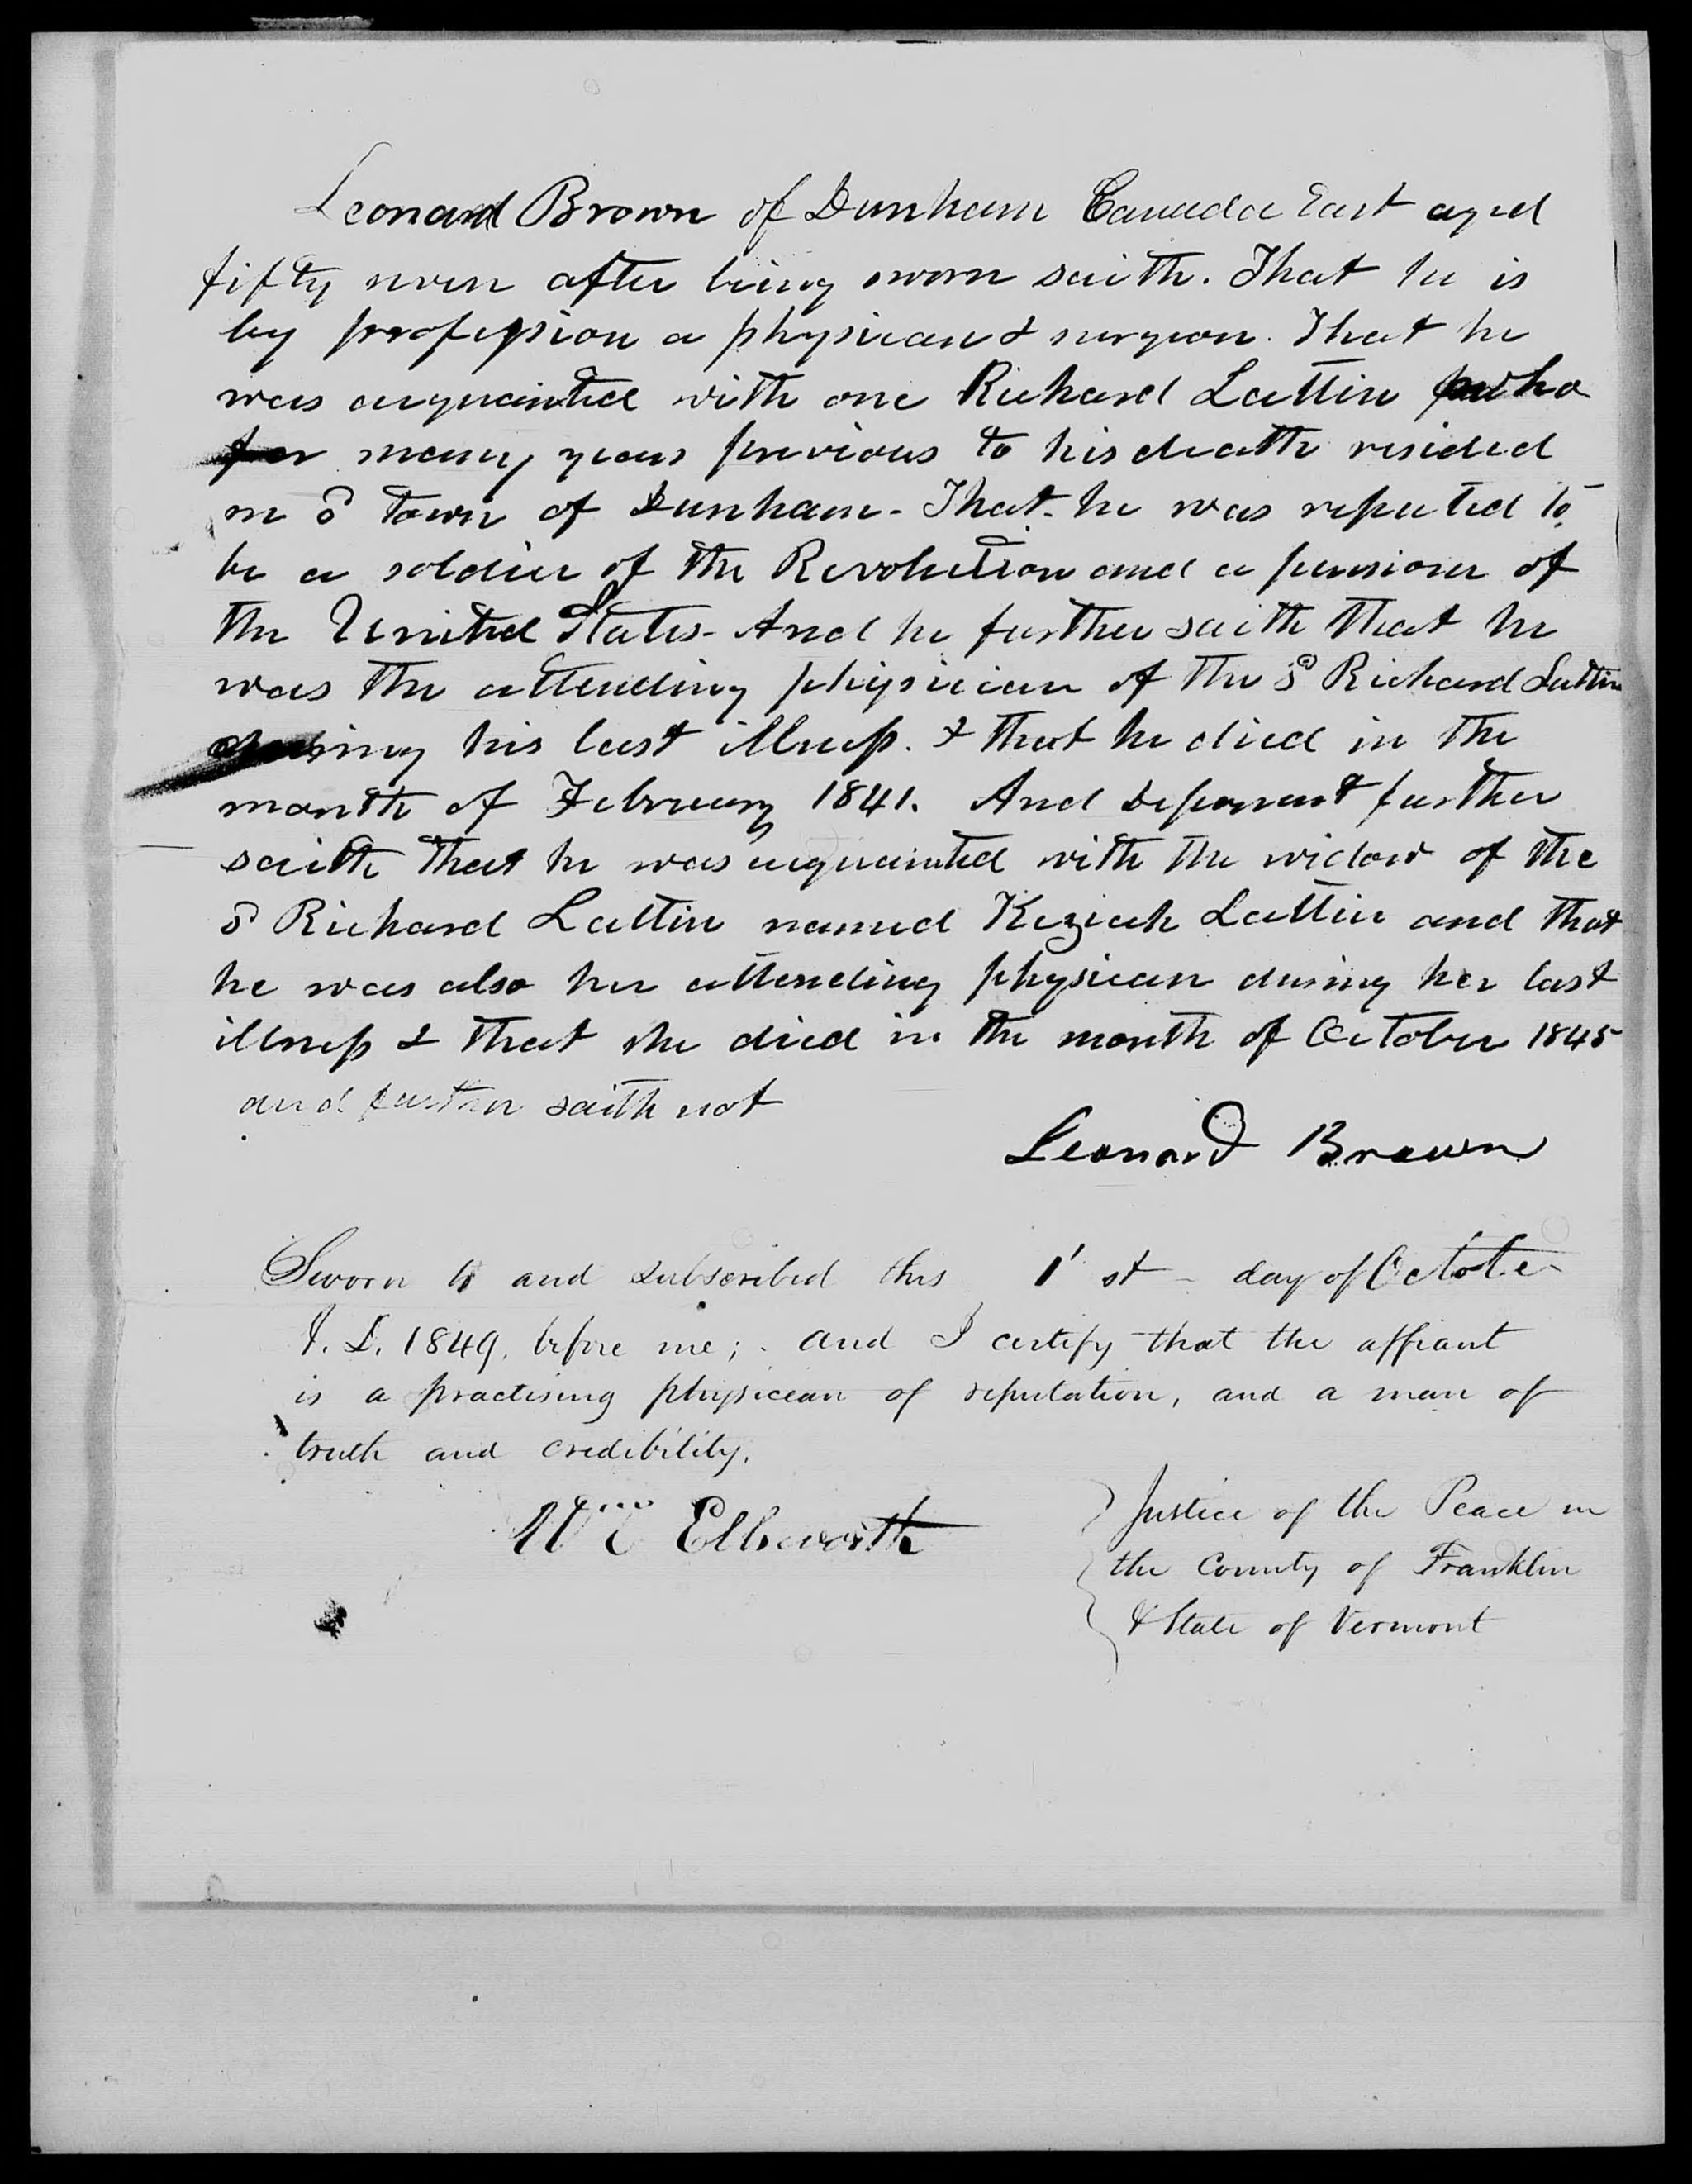Leonard Brown of Dunham Canada East aged
fifty seven after being sworn saith. That he is
by profession a physician & surgeon. That he
was acquainted with one Richard Lattin who
for many years previous to his death resided
in sd town of Dunham. That he was reputed to
be a soldier of the Revolution and a pensioner of
the United States. And he further saith that he
was the attending physician of the sd Richard Lattin
 during his last illness & that he died in the
month of February 1841. And deponent further
saith that he was acquainted with the widow of the
Sd Richard Lattin named Keziah Lattin and that
he was also her attending physician during her last
illness & that she died in the month of October 1845
and further saith not.
Leonard Brown
Sworn to and subscribed this 1st day of October
A.D. 1849, before me; and I certify that the affiant
is a practising physician of reputation, and a man of
truth and credibility.
Wm C Ellsworth
Justice of the Peace in the County of Franklin
& State of Vermont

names: Wm C Ellsworth; Leonard Brown; Keziah Lattin; Richard Lattin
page: 46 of 99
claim: widow's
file: W. 24,482, for Richard Lattin, Vermont